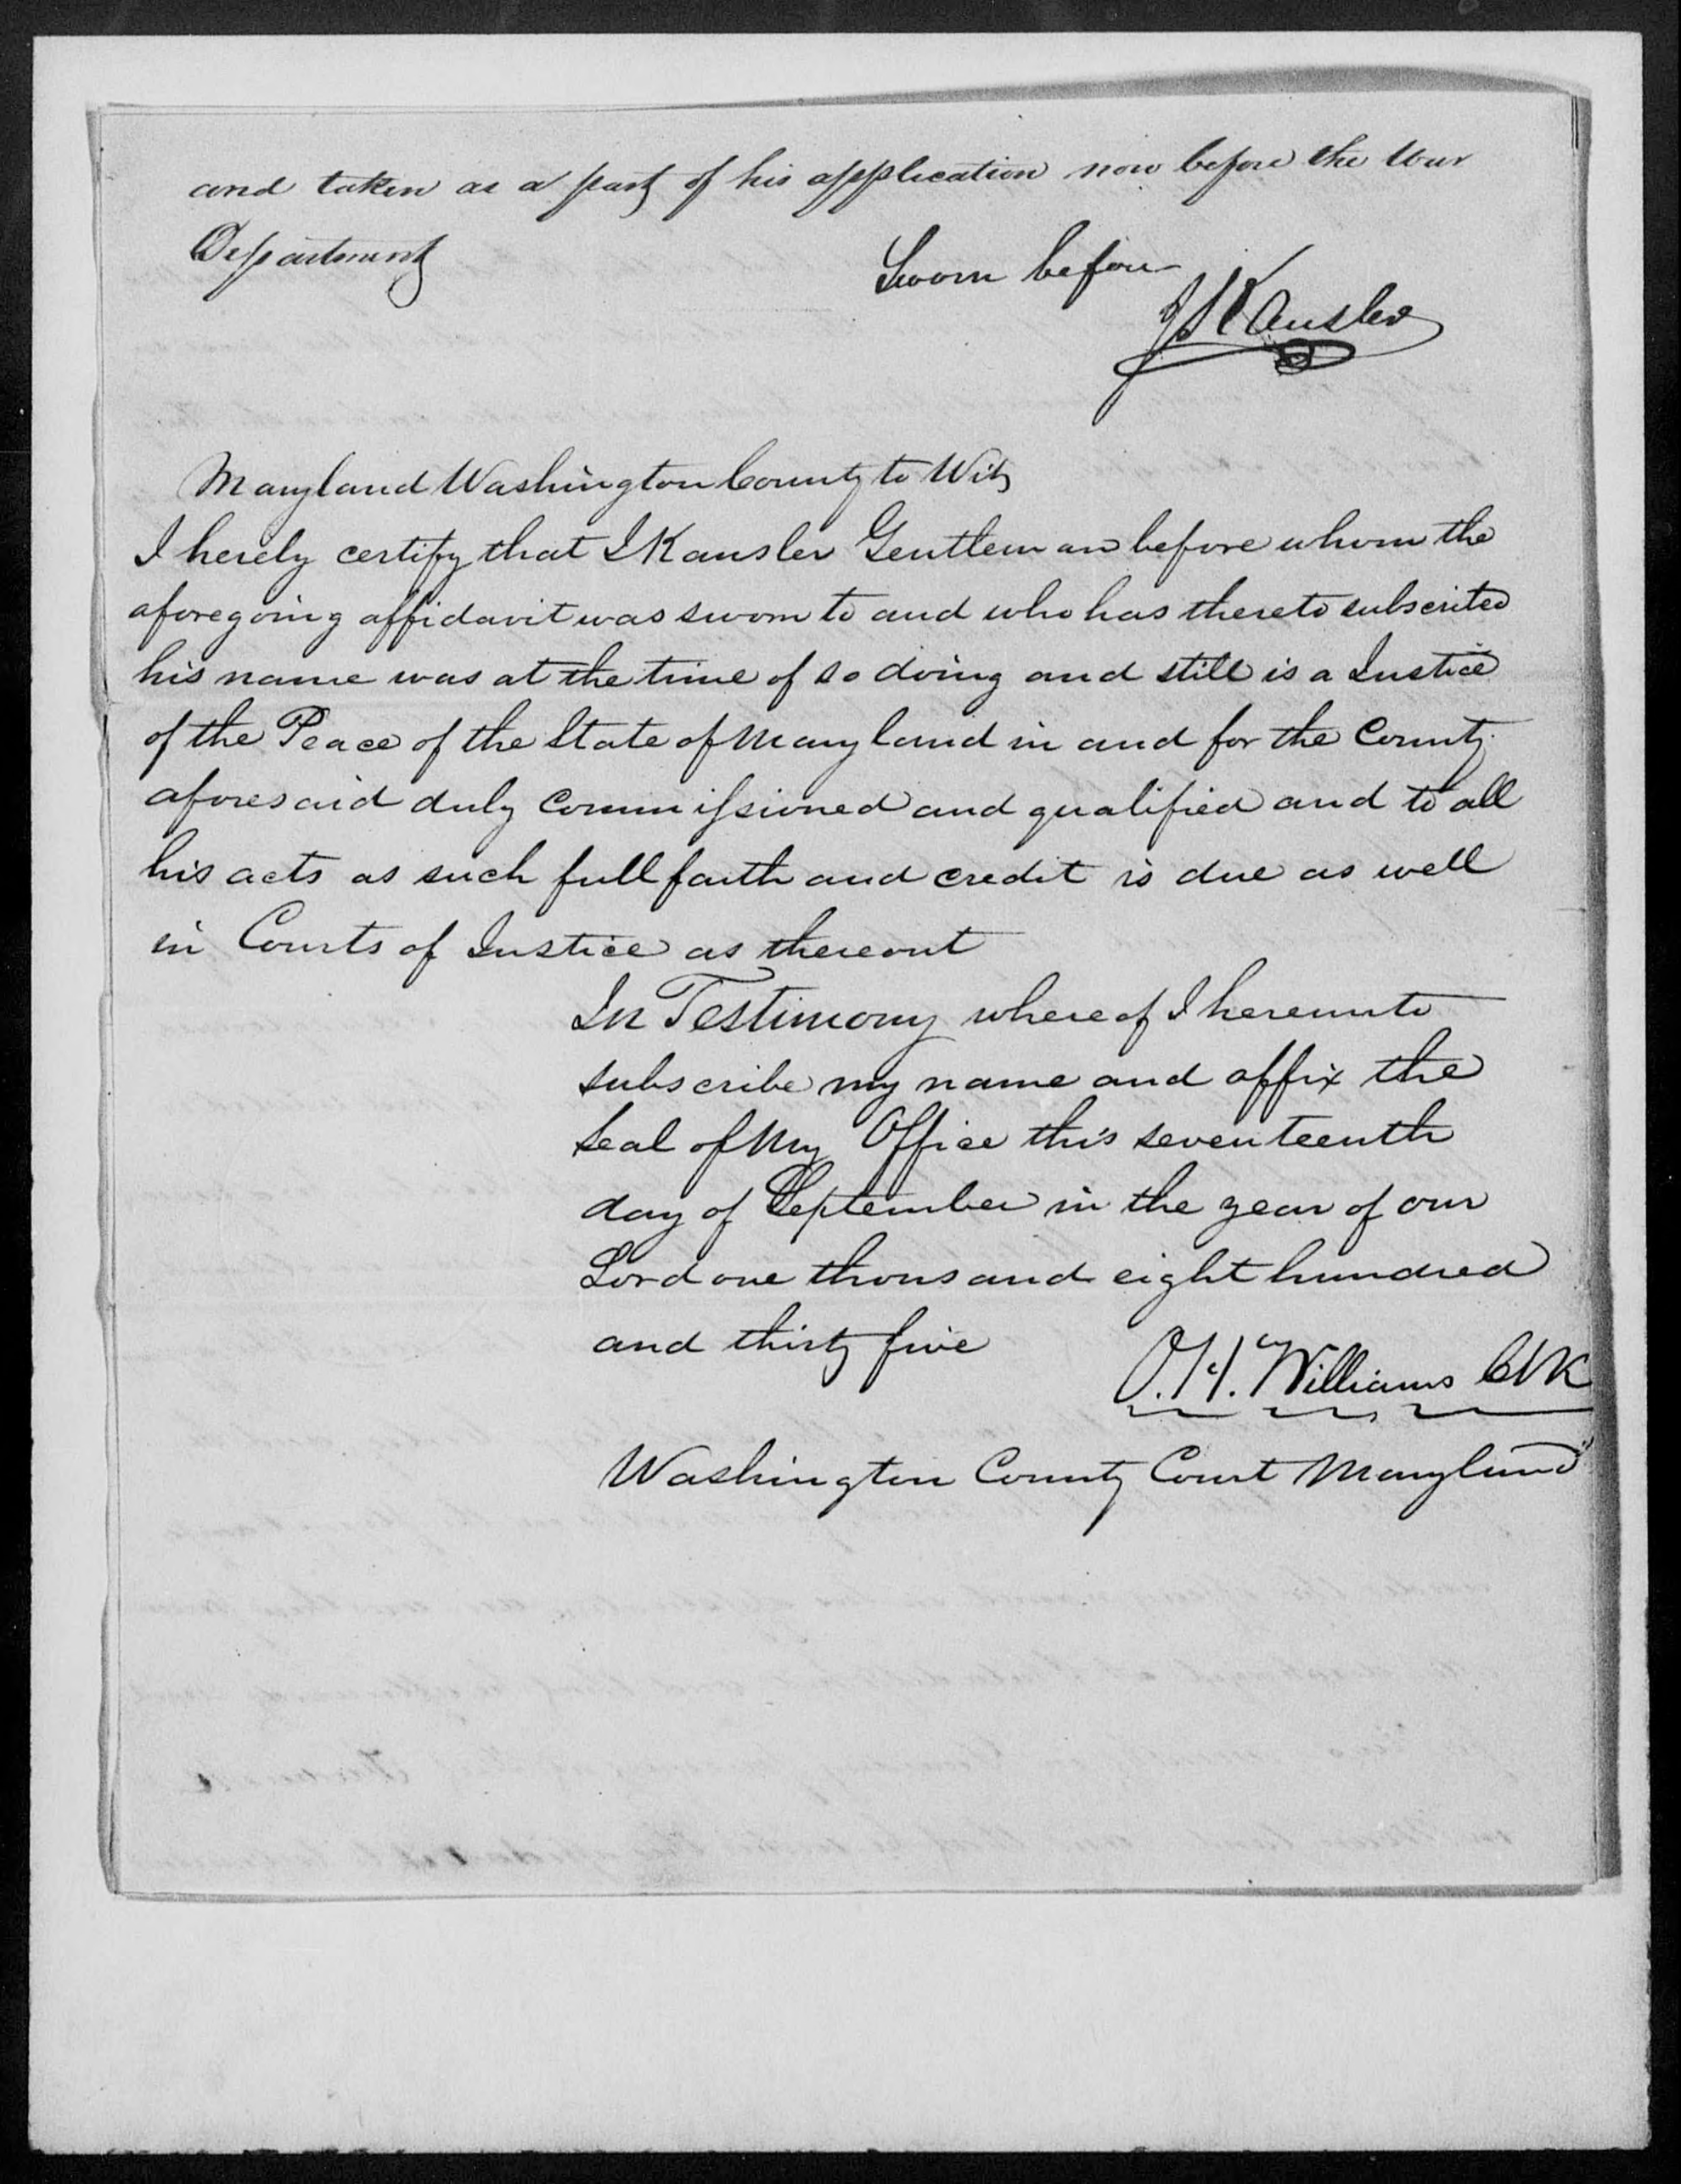and taken as a part of his application now before the War
Department  Sworn before
J Kausler

Maryland Washington County to wit
I hereby certify that J Kausler Gentleman before whom the 
aforegoing affidavit was sworn to and who has thereto subscribed
his name was at the time of so doing and still is a Justice
of the Peace of the State of Maryland in and for the County
aforesaid duly commissioned and qualified and to all
his acts as such full faith and credit is due as well
in Courts of Justice as thereout
In Testimony where of I hereunto
subscribe my name and affix the 
Seal of my Office this seventeenth
day of September in the year of our
Lord one thousand eight hundred
and thirty five

O. H. Williams Clk
Washington County Court Maryland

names: J Kausler, O H Williams, J Kausler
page: 8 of 22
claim: survivor's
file: S. 9,199, George Corley, Md.